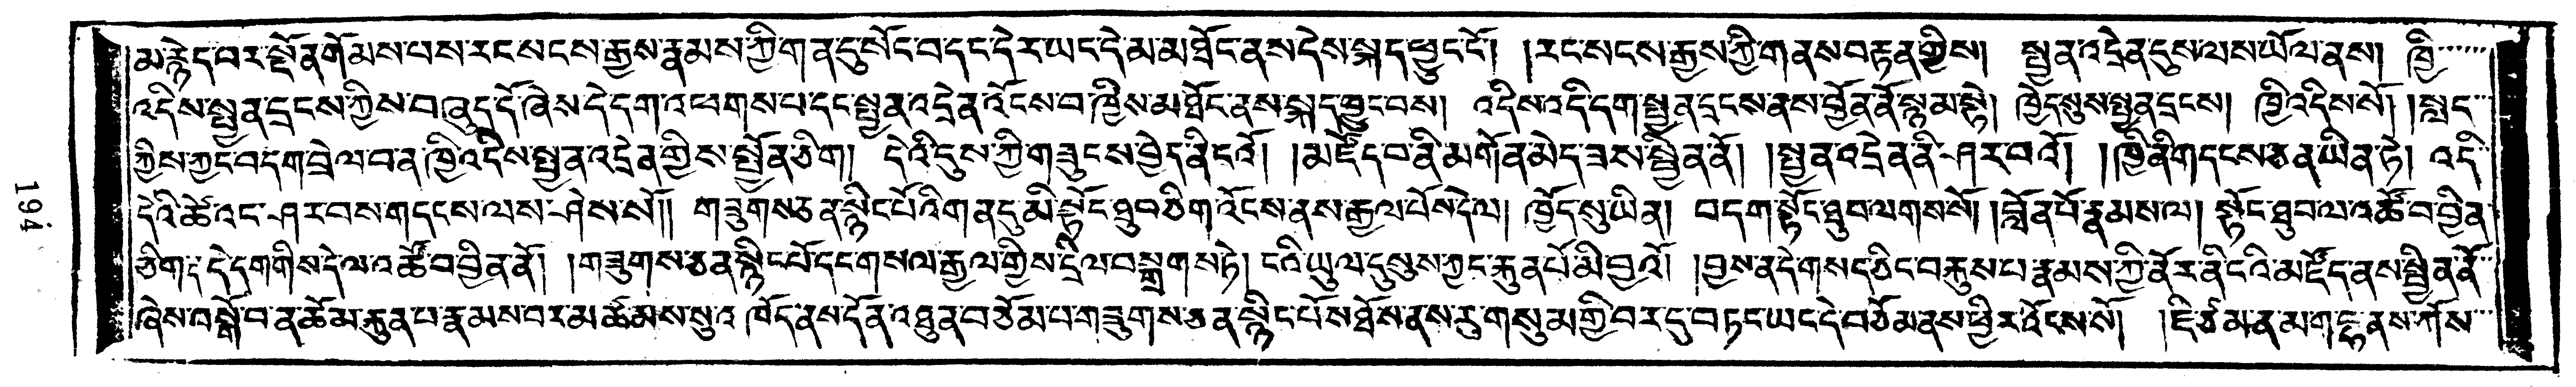མ་རྙེད་པར་སྔོན་གོམས་པས་རང་སངས་རྒྱས་རྣམས་ཀྱི་གན་དུ་སོང་བ་དང་དེར་ཡང་དེ་མ་མཐོང་ནས་དེས་སྐད་ཕྱུང་ངོ། །རང་སངས་རྒྱས་ཀྱི་གནས་བརྟན་གྱིས། སྤྱན་འདྲེན་དུས་ལས་ཡོལ་ནས། ཁྱི་
འདིས་སྤྱན་དྲངས་ཀྱིས་བཞུད་དོ་ཞེས་དེ་དག་འཕགས་པ་དང་སྤྱན་འདྲེན་འོངས་བ་ཁྱིས་མཐོང་ནས་སྐད་ཕྱུང་བས། འདིས་འདི་དག་སྤྱན་དྲངས་ནས་བྱོན་ནོ་སྙམ་སྟེ། ཁྱེད་སུས་སྤྱན་དྲངས། ཁྱི་འདིས་སོ། །སླད་
ཀྱིས་ཀྱང་བདག་བྲེལ་བ་ན་ཁྱི་འདིས་སྤྱན་འདྲེན་གྱིས་སྤྱོན་ཅིག། དེའི་དུས་ཀྱི་གཟུངས་བྱེད་ནི་ངའོ། །མཛོད་པ་ནི་མགོན་མེད་ཟས་སྦྱིན་ནོ། །སྤྱན་འདྲེན་ནི་ཤར་པའོ། །ཁྱི་ནི་གདངས་ཅན་ཡིན་ཏེ། འདི་
དེའི་ཚེ་འང་ཤར་བས་གདངས་ལས་ཤེས་སོ།། གཟུགས་ཅན་སྙིང་པོའི་གན་དུ་མི་སྟོང་ཐུབ་ཅིག་འོངས་ནས་རྒྱལ་པོས་དེ་ལ། ཁྱོད་སུ་ཡིན། བདག་སྟོང་ཐུབ་ལགས་སོ། །བློན་པོ་རྣམས་ལ། སྟོང་ཐུབ་ལ་འཚོ་བ་བྱིན་
ཅིག༑ དེ་དག་གིས་དེ་ལ་འཚོ་བ་བྱིན་ནོ། །གཟུགས་ཅན་སྙིང་པོ་དང་གསལ་རྒྱལ་གྱིས་དྲིལ་བསྒྲགས་ཏེ། ངའི་ཡུལ་དུ་སུས་ཀྱང་རྐུན་པོ་མི་བྱའོ། །བྱས་ན་དེ་གསད་ཅིང་བརྐུས་པ་རྣམས་ཀྱི་ནོར་ནི་ངའི་མཛོད་ནས་སྦྱིན་ནོ་
ཞེས་བསྒོ་བ་ན་ཆོམ་རྐུན་པ་རྣམས་པར་མཚམས་སུ་འཁོད་ནས་དོན་འཐུན་བཅོམ་པ་གཟུགས་ཅན་སྙིང་པོས་ཐོས་ནས་རུ་གསུམ་གྱི་བར་དུ་བཏང་ཡང་དེ་བཅོམ་ནས་ཕྱིར་འོངས་སོ། །ཇི་ཙམ་ན་མ་ག་དྷ་ནས་ཀོས་